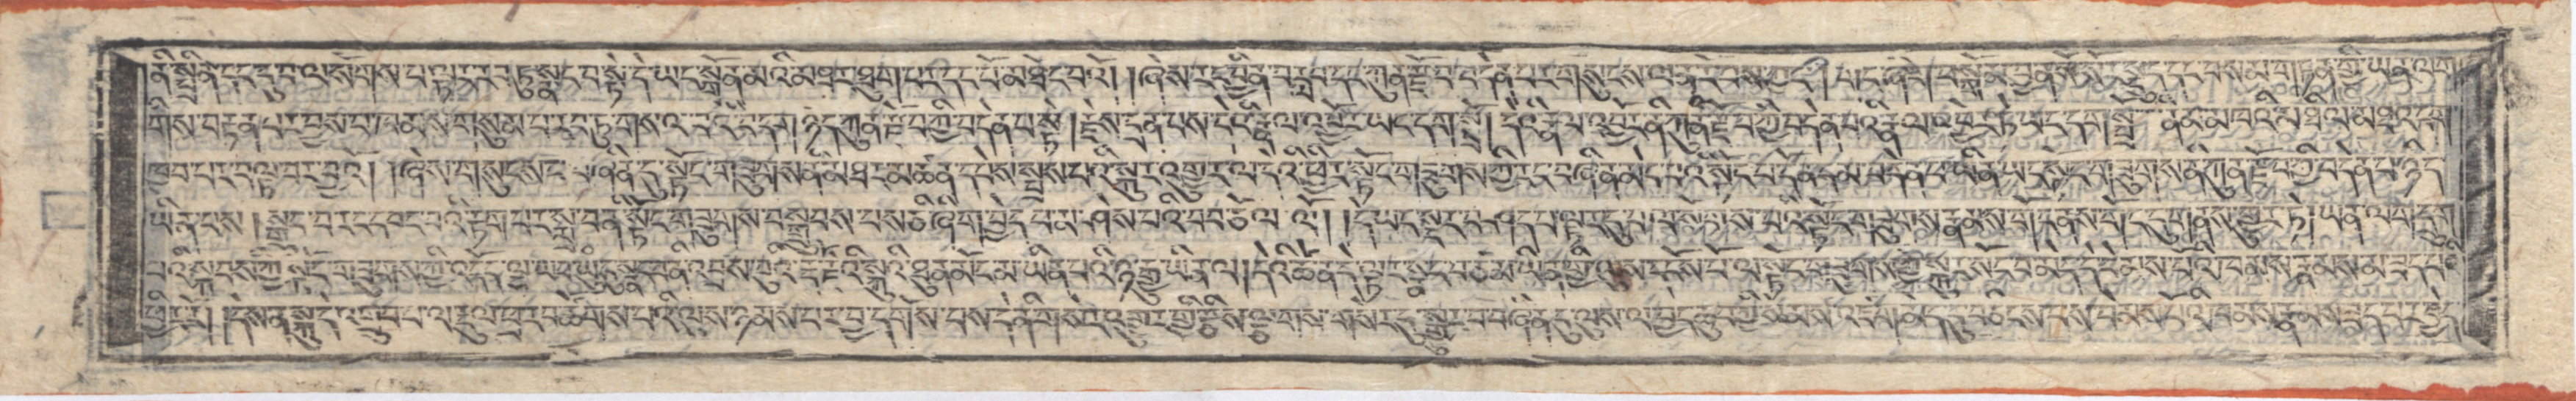ནི་སྤྲིན་དང་དུ་བ་ལ་སོགས་པ་ལྟར་རབ་ཏུ་སྣང་བ་སྟེ་དེ་ཡང་སྒྲོན་མའི་མཐར་ཐུག་པར་དང་པོ་མཐོང་བའོ། །ཞེས་རང་བྱིན་བརླབ་དང་ཀུན་རྫོབ་བདེན་པར་གསུངས་ལ་ནཱ་རོ་པས་ཀྱང་། གང་ཞིག་བསྒོམ་བྱ་ན་སོ་སོར་སྡུད་དང་བསམ་གཏན་གྱི་ཡན་ལག་
གིས་བརྟན་པར་བྱས་པ་ཁམས་གསུམ་པ་རབ་ཏུ་གསལ་བའི་བདག་ཉིད་ཀུན་རྫོབ་ཀྱི་བདེན་པ་སྟེ། རྗེས་དྲན་པས་དེའི་རྣལ་འབྱོར་ཡང་དག་སྤྲོ། དེའི་རྣལ་འབྱོར་ནི་ཀུན་རྫོབ་ཀྱི་བདེན་པའི་རྣལ་འབྱོར་ཏེ་ཡང་དག་སྤྲོ་ནི་ནམ་མཁའི་མཐིལ་མཐའ་དག་
ཁྱབ་པར་བལྟ་བར་བྱའོ། །ཞེས་གསུངས་པ་བཞིན་དུ་སྟོང་གཟུགས་ནི་མཐར་མཚན་དཔེས་སྤྲས་པའི་སྐུར་འགྱུར་ལ་དེའི་ཕྱིར་སྟོང་གཟུགས་ཀྱི་རང་བཞིན་མེད་པའི་སྟོང་པ་དོན་དམ་བདེན་པ་ཡིན་ཡང་སྟོང་གཟུགས་ནི་ཀུན་རྫོབ་ཀྱི་བདེན་པ་ཉིད་
ཡིན་པས། སྒྲུབ་པ་རང་དབང་བའི་རྟག་པར་སྨྲ་བ་ནི་སྟོང་གཟུགས་བསྒྲུབས་པས་ཅི་ཞིག་བྱེད་པ་མ་ཤེས་པའི་བབ་ཅོལ་ལོ། །དེ་ཡང་སྔར་བཤད་པ་ལྟར་དུ་བ་ལ་སོགས་པའི་སྟོང་གཟུགས་རྣམས་གོང་ནས་གོང་དུ་གནས་གྱུར་ཏེ། ཡན་ལག་དྲུག་
པའི་སྐབས་ཀྱི་སྟོང་གཟུགས་ཀྱི་འདོད་ལྷ་ཡབ་ཡུམ་དུ་སྣང་བ་ནི་འབྲས་བུའི་རྡོ་རྗེའི་སྐུའི་ཐུན་མོང་མ་ཡིན་པའི་ཉ་རྒྱུ་ཡིན་ལ། དེའི་ཚེ་ན་དེ་ལྟར་སྣང་བ་ཙམ་ཡིན་གྱི་ལུས་དངོས་པོ་ལ་སྟོང་གཟུགས་ཀྱི་སྐུར་སོང་བ་མེད་དེ་བེམས་པོའི་ཁམས་རྣམས་མ་ཟད་པའི་
ཕྱིར་རོ། །དེས་ན་སྐུ་དེ་འགྲུབ་པ་ལ་རྡུལ་ཕྲ་རབ་ཚོགས་པའི་ལུས་ཉམས་པར་བྱ་དགོས་པས་དེ་ནི་གསེར་འགྱུར་གྱི་རྩིས་ལྕགས་གསེར་དུ་སྒྱུར་བ་བཞིན་དུ་ལུས་ལ་བྱང་ཆུབ་ཀྱི་སེམས་འཛག་མེད་དུ་བཅིངས་པས་བེམས་པོའི་ཁམས་རྣམས་ཟད་པར་བྱེད་